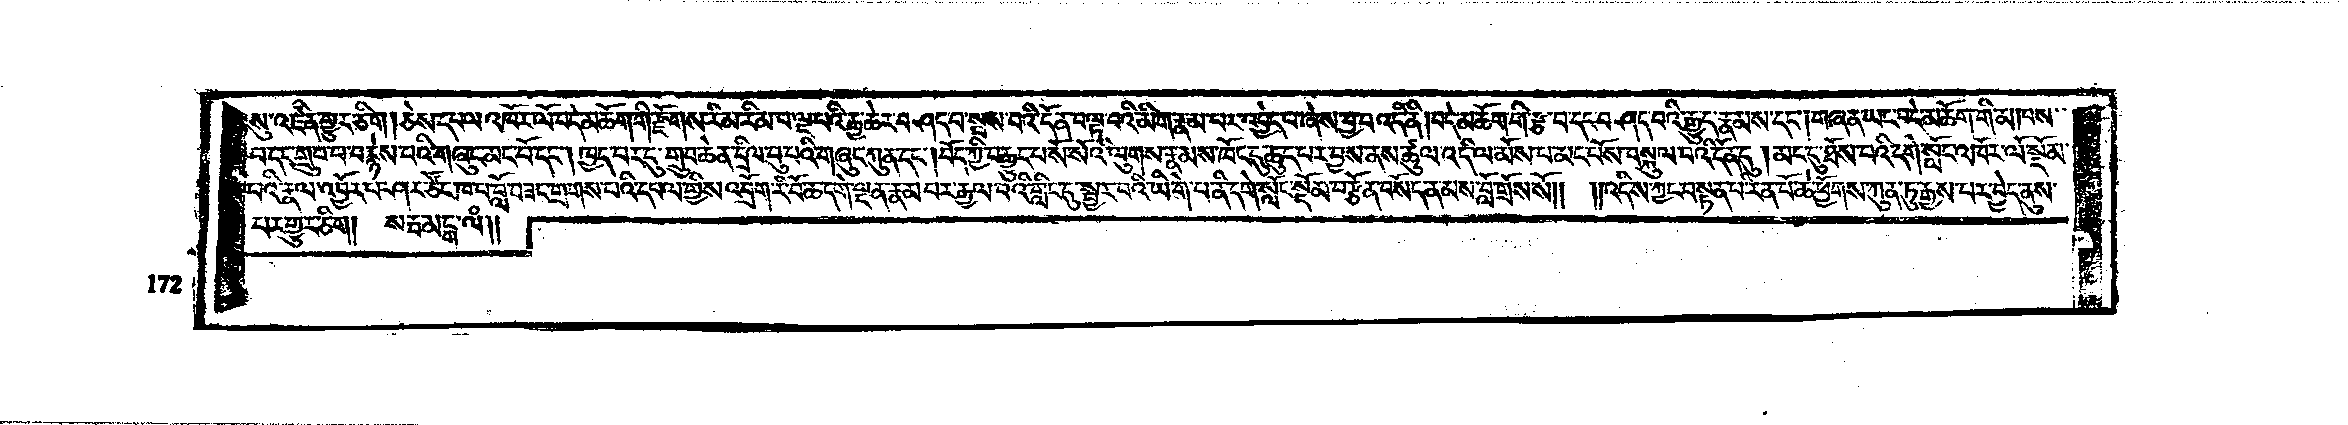སུ་འཛིན་གྱུར་ཅིག །ཅེས་དཔལ་འཁོར་ལོ་བདེ་མཆོག་གི་རྫོགས་རིམ་རིམ་པ་ལྔ་པའི་རྒྱ་ཆེར་བཤད་པ་སྦས་པའི་དོན་བལྟ་བའི་མིག་རྣམ་པར་འབྱེད་པ་ཞེས་བྱ་བ་འདི་ནི། །བདེ་མཆོག་གི་རྩ་བ་དང་བཤད་པའི་རྒྱུད་རྣམས་དང་། གཞན་ཡང་བདེ་མཆོག་གི་མཁས་
པ་དང་གྲུབ་པ་བརྙེས་པའི་གཞུང་མང་པོ་དང་། ཁྱད་པར་དུ་གྲུབ་ཆེན་དྲིལ་བུ་པའི་གཞུང་ཀུན་དང་། བོད་ཀྱི་བརྒྱུད་པ་སོ་སོའི་ལུགས་རྣམས་ཁོང་དུ་ཆུད་པར་བྱས་ནས་ཚུལ་འདི་ལ་མོས་པ་མང་པོས་བསྐུལ་བའི་དོན་དུ། མང་དུ་ཐོས་པའི་དགེ་སློང་འཁོར་ལོ་སྡོམ་
པའི་རྣལ་འབྱོར་པ་ཤར་ཙོང་ཁ་པ་བློ་བཟང་གྲགས་པའི་དཔལ་གྱིས་འབྲོག་རི་བོ་ཆེ་དགེ་ལྡན་རྣམ་པར་རྒྱལ་བའི་གླིང་དུ་སྦྱར་བའི་ཡི་གེ་པ་ནི་དགེ་སློང་སྡོམ་བརྩོན་བསོད་ནམས་བློ་གྲོས་སོ།། །།འདིས་ཀྱང་བསྟན་པ་རིན་པོ་ཆེ་ཕྱོགས་ཀུན་ཏུ་རྒྱས་པར་བྱེད་ནུས་
པར་གྱུར་ཅིག །སརྦ་མངྒ་ལཾ། །